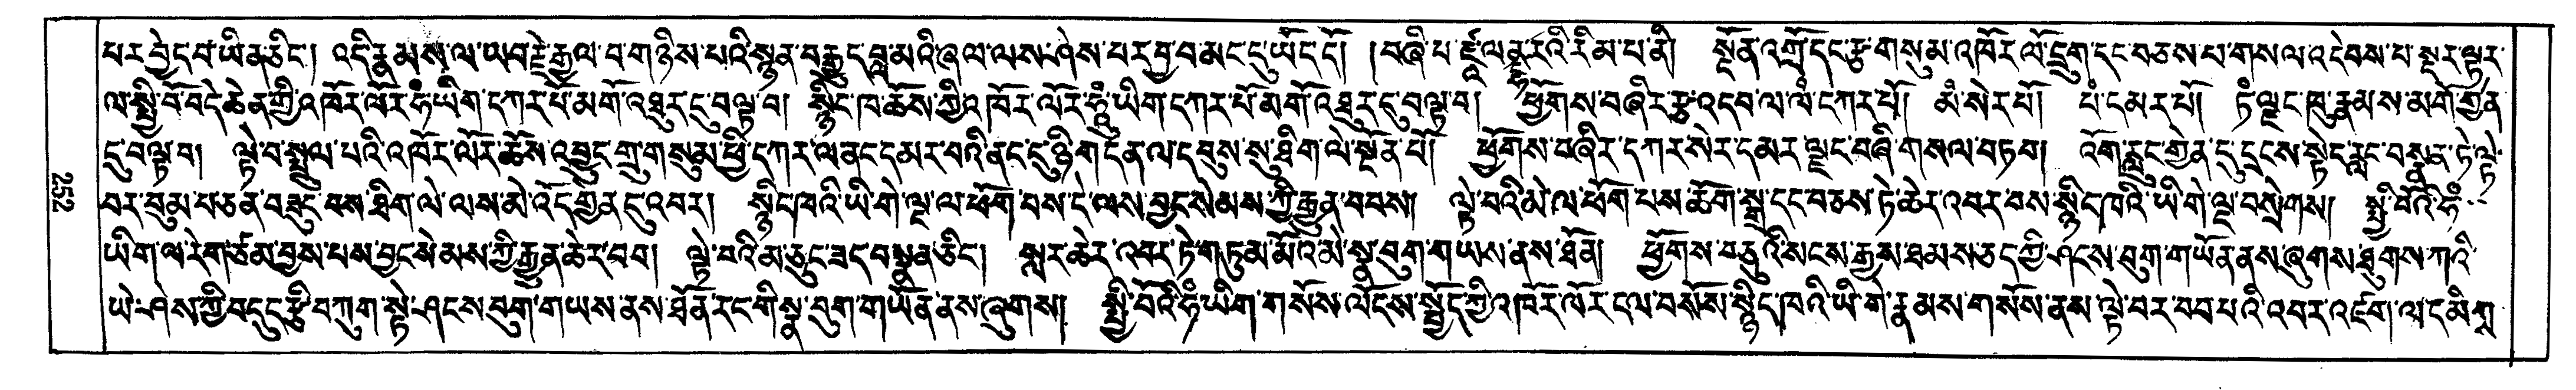པར་བྱེད་པ་ཡིན་ཅིང་། འདི་རྣམས་ལ་ཡང་རྗེ་རྒྱལ་བ་གཉིས་པའི་སྙན་བརྒྱུད་བླ་མའི་ཞལ་ལས་ཤེས་པར་བྱ་བ་མང་དུ་ཡོད་དོ། །བཞི་པ་ཛཱ་ལནྡྷ་རའི་རིམ་པ་ནི། སྔོན་འགྲོ་དང་རྩ་གསུམ་འཁོར་ལོ་དྲུག་དང་བཅས་པ་གསལ་འདེབས་པ་སྔར་ལྟར་
ལ་སྤྱི་བོ་བདེ་ཆེན་གྱི་འཁོར་ལོར་ཧཾ་ཡིག་དཀར་པོ་མགོ་འཐུར་དུ་བལྟ་བ། སྙིང་ཁ་ཆོས་ཀྱི་འཁོར་ལོར་ཧཱུཾ་ཡིག་དཀར་པོ་མགོ་འཐུར་དུ་བལྟ་བ། ཕྱོགས་བཞིར་རྩ་འདབ་ལ་ལཾ་དཀར་པོ། མཾ་སེར་པོ། པཾ་དམར་པོ། ཏཾ་ལྗང་ཁུ་རྣམས་མགོ་གྱེན་
དུ་བལྟ་བ། ལྟེ་བ་སྤྲུལ་པའི་འཁོར་ལོར་ཆོས་འབྱུང་གྲུ་གསུམ་ཕྱི་དཀར་ལ་ནང་དམར་བའི་ནང་དུ་ཉི་གདན་ལ་དབུས་སུ་ཐིག་ལེ་སྔོན་པོ། ཕྱོགས་བཞིར་དཀར་སེར་དམར་ལྗང་བཞི་གསལ་བཏབ། འོག་རླུང་གྱེན་དུ་དྲངས་སྟེང་རླུང་བསྣན་ཏེ་ལྟེ་
བར་བུམ་པ་ཅན་བཟུང་བས་ཐིག་ལེ་ལས་མེ་འོད་གྱེན་དུ་འབར། སྙིང་ཁའི་ཡི་གེ་ལྔ་ལ་ཕོག་པས་དེ་ལས་བྱང་སེམས་ཀྱི་རྒྱུན་བབས། ལྟེ་བའི་མེ་ལ་ཕོག་པས་ཚེག་སྒྲ་དང་བཅས་ཏེ་ཆར་འབར་བས་སྙིང་ཁའི་ཡི་གེ་ལྔ་བསྲེགས། སྤྱི་བོའི་ཧཾ་
ཡིག་ལ་རེག་ཙམ་བྱས་པས་བྱང་སེམས་ཀྱི་རྒྱུན་ཆེར་བབ། ལྟེ་བའི་མེ་ཅུང་ཟད་བསྣན་ཅིང་། སླར་ཆེར་འབར་ཏེག་ཏུ་མོ་མའི་མེ་སྣ་བུག་གཡས་ནས་ཐོན། ཕྱོགས་བཅུའི་སངས་རྒྱས་ཐམས་ཅད་ཀྱི་ཤངས་བུག་གཡོན་ནས་ཞུགས་ཐུགས་ཀའི་
ཡེ་ཤེས་ཀྱི་བདུད་རྩི་བཀུག་སྟེ་ཤངས་བུག་གཡས་ནས་ཐོན་རང་གི་སྣ་བུག་གཡོན་ནས་ཞུགས། སྤྱི་བོའི་ཧཾ་ཡིག་གསོས་ལོངས་སྤྱོད་ཀྱི་འཁོར་ལོར་ངལ་བསོས་སྙིང་ཁའི་ཡེ་གེ་རྣམས་གསོས་ནས་ལྟེ་བར་བབ་པའི་འབར་འཛག་ལ་དམིགས་